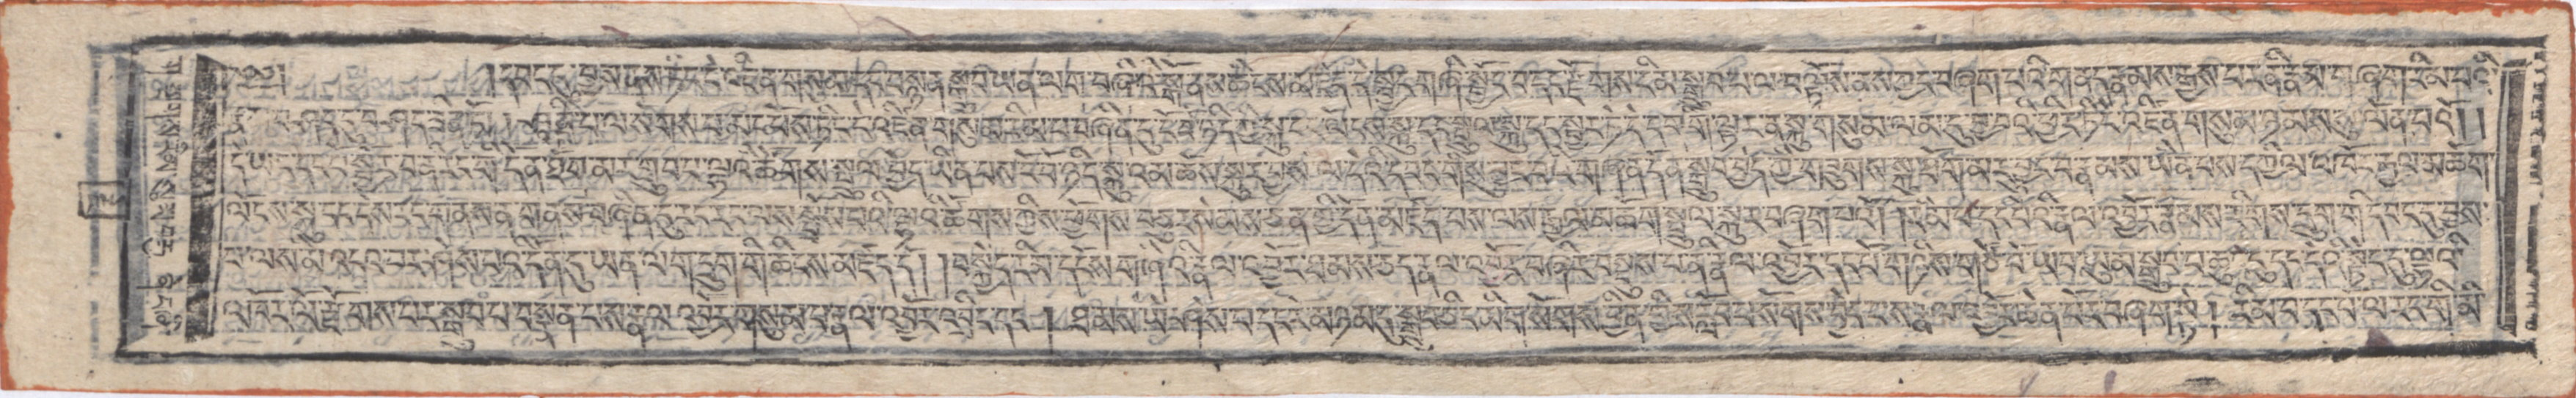༄༅། །དབང་དུ་བྱས་ནས་ཏིང་ངེ་འཛིན་གསུམ་དང་བསྙན་སྒྲུབ་ཡན་ལག་བཞིའི་སྒོ་ནས་ཆིངས་མཛད་དེ་སྦྱང་གཞི་སྦྱོང་བ་དང་རྫོགས་རིམ་སྒྲུབ་པ་ལ་བལྟོས་ནས་ཀྱང་བཞག་པའི་གནད་རྣམས་རྒྱས་པར་ནི་རྣམ་གཞག་རིམ་པའི་
རྣམ་བཤད་དུ་བཤད་ཟིན་ཏོ། །ཤཱནྟི་པ་ལ་སོགས་པ་མང་པོས་ཏིང་ངེ་འཛིན་གསུམ་རིམ་པ་བཞིན་དུ་ངོ་བོ་ཉིད་ཀྱི་སྐུ་དང་ལོངས་སྐུ་དང་སྤྲུལ་སྐུ་དང་སྦྱར་ཏེ་དེ་དག་གི་ལྟར་ན་སྐུ་གསུམ་ལམ་དུ་བྱ་བའི་ཕྱིར་ཏིང་ངེ་འཛིན་གསུམ་ཉམས་སུ་ལོན་པའོ། །
དེ་ཡང་དང་པོ་སྦྱོར་བ་ནི་རང་གི་དོན་ཐོག་མར་གྲུབ་པ་ལྷའི་ཚོགས་སྤྲུལ་བྱེད་ཡིན་པས་ངོ་བོ་ཉིད་སྐུ་འམ་ཆོས་སྐུར་བྱས་ལ་དེའི་དབང་གིས་བྱུང་བའི་གཞན་དོན་སྒྲུབ་བྱེད་ཀྱི་གཟུགས་སྐུ་ཐོག་མར་བྱུང་བ་རྣམས་ཡིན་པས་དཀྱིལ་འཁོར་རྒྱལ་མཆོག་
ལོངས་སྐུ་དང་དེས་རང་གནས་ན་གནས་བཞིན་དུ་རང་རང་ལས་སྤྲོས་པའི་ལྷའི་ཚོགས་ཀྱིས་ཕྱོགས་བཅུར་སེམས་ཅན་གྱི་དོན་མཛད་པས་ལས་རྒྱལ་མཆོག་སྤྲུལ་སྐུར་བཞག་པའོ། །རིམ་པ་དང་པོའི་རྣལ་འབྱོར་རྣམས་རིགས་དྲུག་གི་དབང་དུ་བྱས་
པ་ལས་མི་འདའ་བར་ཤེས་པའི་དོན་དུ་ཡན་ལག་དྲུག་གི་ཆིངས་མཛད་དོ། །བསྐྱེད་རིམ་དངོས་གཞིའི་རྣལ་འབྱོར་ཐམས་ཅད་རྣལ་འབྱོར་བཞིར་བསྡུས་པ་ནི་རྣལ་འབྱོར་དང་པོ་གཉིས་གཙོ་བོ་ཡབ་ཡུམ་སྒྲུབ་པ་ཆུང་ངུ་དང་དེའི་སྟེང་དུ་ལྷའི་
འཁོར་ལོ་རྫོགས་པར་སྒྲུབ་པ་བསྣན་པས་རྣལ་འབྱོར་གསུམ་པ་རྣལ་འབྱོར་འབྲིང་དང་། ཐ་མས་ཡེ་ཤེས་པ་དང་རོ་མཉམ་དུ་སྒྲུབ་ཅིང་མིག་སོགས་བྱིན་གྱིས་རློབ་པ་སོགས་བྱེད་པས་རྣལ་འབྱོར་ཆེན་པོར་བཞག་སྟེ། རིམ་པ་དང་པོ་ལ་རང་གི་མི་